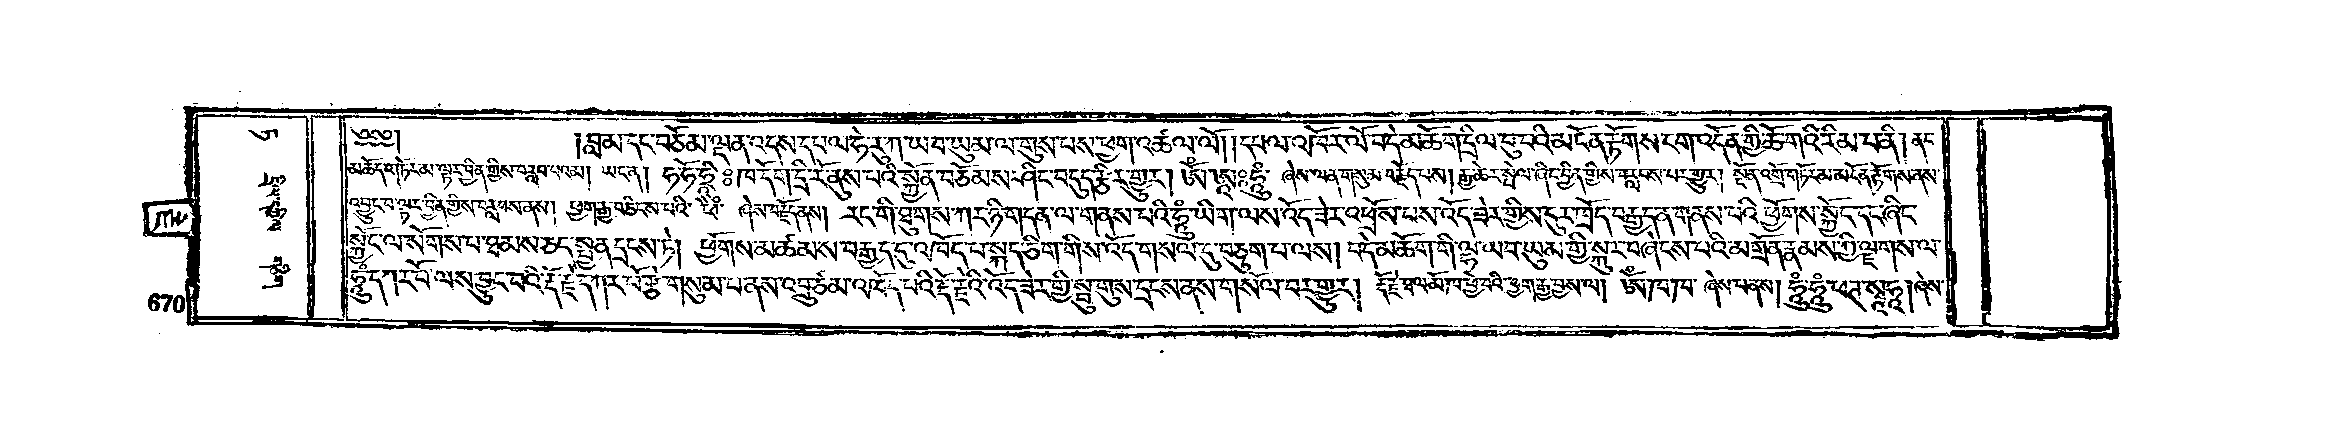༄༅། །བླ་མ་དང་བཅོམ་ལྡན་འདས་དཔལ་ཧེ་རུ་ཀ་ཡབ་ཡུམ་ལ་གུས་པས་ཕྱག་འཚལ་ལོ། །དཔལ་འཁོར་ལོ་བདེ་མཆོག་དྲིལ་བུ་པའི་མངོན་རྟོགས་ངག་འདོན་གྱི་ཆོ་གའི་རིམ་པ་ནི། ནང་
མཆོད་གཏོར་མ་ལྟར་བྱིན་གྱིས་བརླབ་པའམ། ཡང་ན། ཧ་ཧོ་ཧྲཱིཿ ཁ་དོག་དྲི་རོ་ནུས་པའི་སྐྱོན་བཅོམས་ཤིང་བདུད་རྩིར་གྱུར། ཨོཾ་ཨཱཿ ཧཱུཾ་ཞེས་ལན་གསུམ་བརྗོད་པས། རྒྱ་ཆེར་སྤེལ་ཞིང་བྱིན་གྱིས་བརླབས་པར་གྱུར། སྔོན་འགྲོ་གཏོར་མ་མངོན་རྟོགས་ནས་
འབྱུང་བ་ལྟར་བྱིན་གྱིས་བརླབས་ནས། ཕྱག་རྒྱ་བཅིངས་པའི་ཕཻཾ་ཞེས་བརྗོད་ནས།  རང་གི་ཐུགས་ཀར་ཉི་གདན་ལ་གནས་པའི་ཧཱུཾ་ཡིག་ལས་འོད་ཟེར་འཕྲོས་པས་འོད་ཟེར་གྱིས་དུར་ཁྲོད་བརྒྱད་ན་གནས་པའི་ཕྱོགས་སྐྱོང་དང་ཞིང་
སྐྱོང་ལ་སོགས་པ་ཐམས་ཅད་སྤྱན་དྲངས་ཏེ། ཕྱོགས་མཚམས་བརྒྱད་དུ་འཁོད་པ་སྐད་ཅིག་གིས་འོད་གསལ་དུ་བཅུག་པ་ལས། བདེ་མཆོག་གི་ལྷ་ཡབ་ཡུམ་གྱི་སྐུར་བཞེངས་པའི་མགྲོན་རྣམས་ཀྱི་ལྗགས་ལ་
ཧཱུཾ་དཀར་པོ་ལས་བྱུང་བའི་རྡོ་རྗེ་དཀར་པོ་རྩེ་གསུམ་པ་ནས་འབྲུ་ཙམ་འཁོད་པའི་རྡོ་རྗེའི་འོད་ཟེར་གྱི་སྦུ་གུས་དྲངས་ནས་གསོལ་བར་གྱུར། རྡོ་རྗེ་ཐལ་མོ་ཁ་ཕྱེ་བའི་ཕྱག་རྒྱ་བྱས་ལ།  ཨོཾ་ཁ་ཁ་ཞེས་པ་ནས།  ཧཱུཾ་ཧཱུཾ་ཕགས་སྭཱ་ཧཱ། ཞེས་